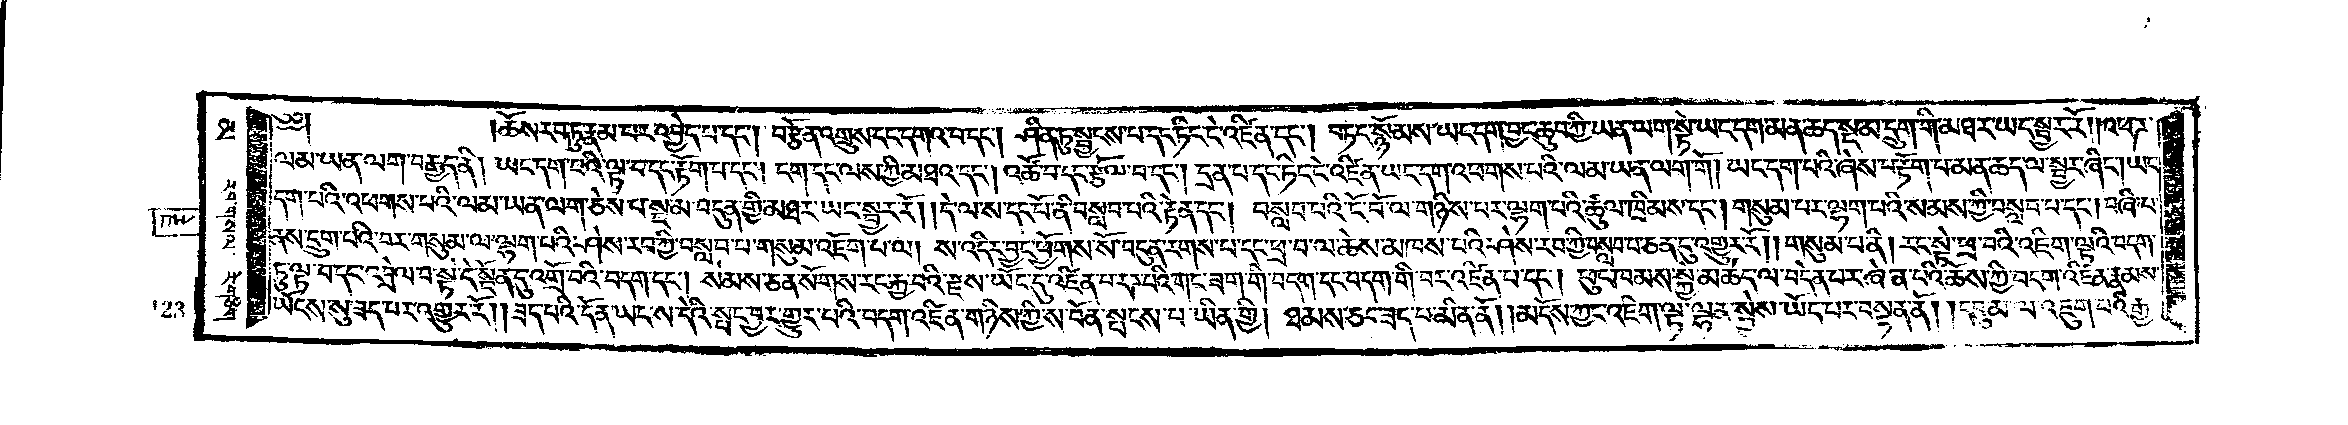༄༅། །ཆོས་རབ་ཏུ་རྣམ་པར་འབྱེད་པ་དང་། བརྩོན་འགྲུས་དང་དགའ་བ་དང་། ཤིན་ཏུ་སྦྱངས་པ་དང་ཏིང་ངེ་འཛིན་དང་། བཏང་སྙོམས་ཡང་དག་བྱང་ཆུབ་ཀྱི་ཡན་ལག་སྟེ་ཡང་དག་མན་ཆད་སྔ་མ་དྲུག་གི་མཐར་ཡང་སྦྱར་རོ། །འཕགས་
ལམ་ཡན་ལག་བརྒྱད་ནི། ཡང་དག་པའི་ལྟ་བ་དང་རྟོག་པ་དང་། ངག་དང་ལས་ཀྱི་མཐའ་དང་། འཚོ་བ་དང་རྩོལ་བ་དང་། དྲན་པ་དང་ཏིང་ངེ་འཛིན་ཡང་དག་འཕགས་པའི་ལམ་ཡན་ལག་གོ །ཡང་དག་པའི་ཞེས་པ་རྟོག་པ་མན་ཆད་ལ་སྦྱར་ཞིང་། ཡང་
དག་པའི་འཕགས་པའི་ལམ་ཡན་ལག་ཅེས་པ་སྔ་མ་བདུན་གྱི་མཐར་ཡང་སྦྱར་རོ། །དེ་ལ་ས་དང་པོ་ནི་བསླབ་པའི་རྟེན་དང་། བསླབ་པའི་ངོ་བོ་ལ་གཉིས་པར་ལྷག་པའི་ཚུལ་ཁྲིམས་དང་། གསུམ་པར་ལྷག་པའི་སེམས་ཀྱི་བསླབ་པ་དང་། བཞི་པ་
ནས་དྲུག་པའི་བར་གསུམ་ལ་ལྷག་པའི་ཤེས་རབ་ཀྱི་བསླབ་པ་གསུམ་འཇོག་པ་ལ། ས་འདིར་བྱང་ཕྱོགས་སོ་བདུན་རགས་པ་དང་ཕྲ་བ་ལ་ཆེས་མཁས་པའི་ཤེས་རབ་ཀྱི་བསླབ་པ་ཅན་དུ་འགྱུར་རོ། །གསུམ་པ་ནི། རང་སྟེ་ཕྲ་བའི་འཇིག་ལྟའི་བདག་
ཏུ་ལྟ་བ་དང་འབྲེལ་བ་སྟེ་དེ་སྔོན་དུ་འགྲོ་བའི་བདག་དང་། སེམས་ཅན་སོགས་རང་རྐྱ་བའི་རྫས་ཡོད་དུ་འཛིན་པ་རགས་པའི་གང་ཟག་གི་བདག་དང་བདག་གི་བར་འཛིན་པ་དང་། ཕུང་ཁམས་སྐྱེ་མཆེད་ལ་བདེན་པར་ཞེན་པའི་ཆོས་ཀྱི་བདག་འཛིན་རྣམས་
ཡོངས་སུ་ཟད་པར་འགྱུར་རོ། །ཟད་པའི་དོན་ཡང་ས་དེའི་སྤང་བྱར་གྱུར་པའི་བདག་འཛིན་གཉིས་ཀྱི་ས་བོན་སྤངས་པ་ཡིན་གྱི། ཐམས་ཅད་ཟད་པ་མིན་ནོ། །མདོས་ཀྱང་འཇིག་ལྟ་ལྷན་སྐྱེས་ཡོད་པར་བསྟན་ནོ། །དབུ་མ་ལ་འཇུག་པའི་རྒྱ་